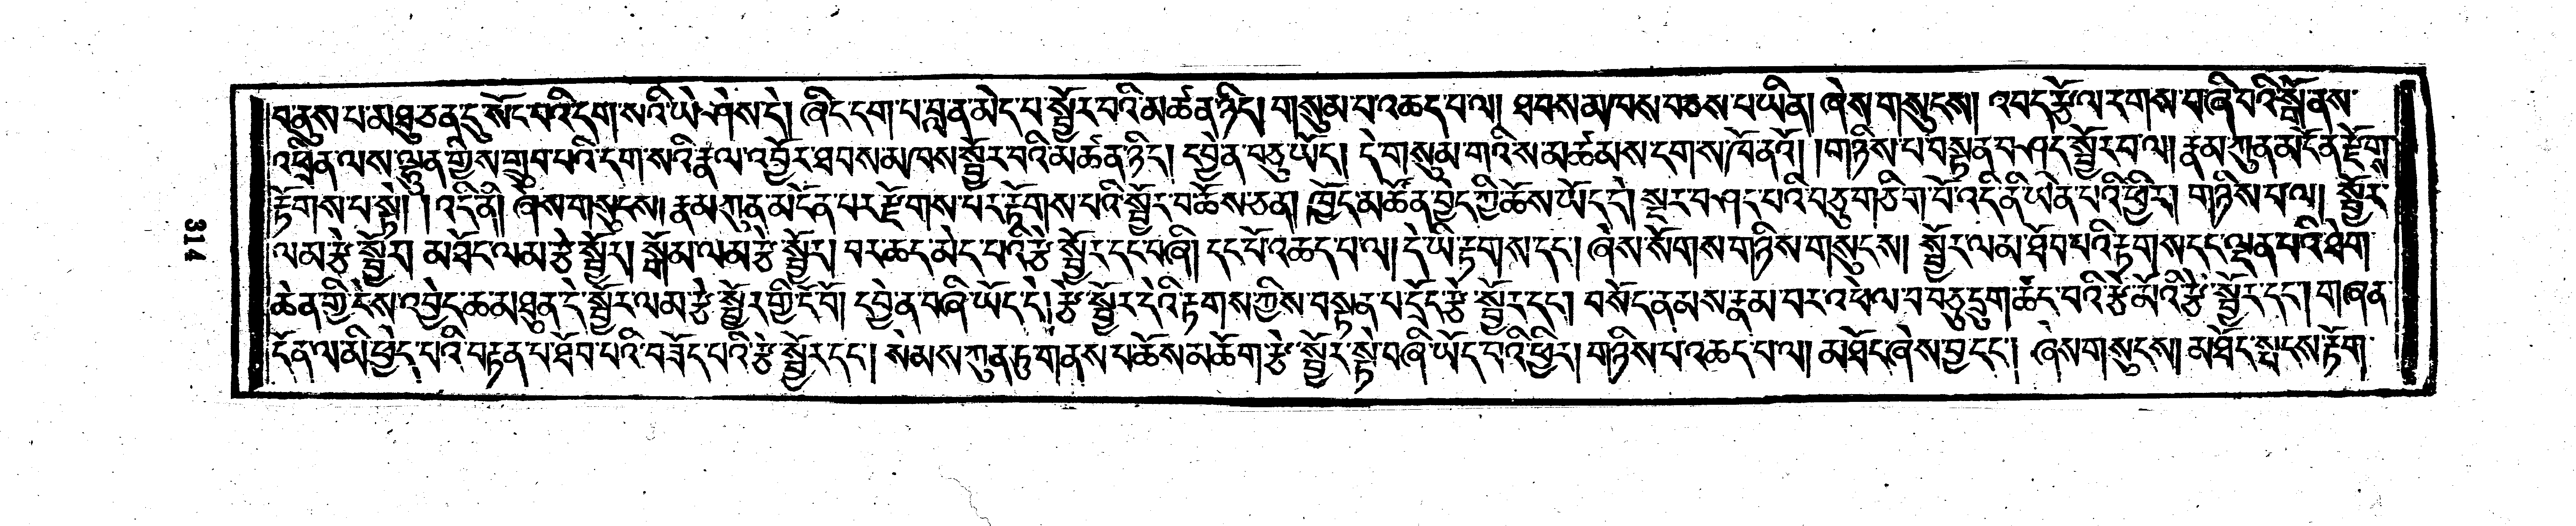བ་ནུས་པ་མཐུ་ཅན་དུ་སོང་བའི་དག་སའི་ཡེ་ཤེས་དེ། ཞིང་དག་པ་བླ་ན་མེད་པ་སྦྱོར་བའི་མཚན་ཉིད། གསུམ་པ་འཆད་པ་ལ། ཐབས་མཁས་བཅས་པ་ཡིན། ཞེས་གསུངས། འབད་རྩོལ་རགས་པ་ཞི་བའི་སྒོ་ནས་
འཕྲིན་ལས་ལྷུན་གྱིས་གྲུབ་པའི་དག་སའི་རྣལ་འབྱོར་ཐབས་མཁས་སྦྱོར་བའི་མཚན་ཉིད། དབྱེ་ན་བཅུ་ཡོད། དེ་གསུམ་གའི་ས་མཚམས་དག་ས་ཁོ་ནའོ། །གཉིས་པ་བསྟན་བཤད་སྦྱོར་བ་ལ། རྣམ་ཀུན་མངོན་རྫོགས་
རྟོགས་པ་སྟེ། །འདི་ནི། ཞེས་གསུངས། རྣམ་ཀུན་མངོན་པར་རྫོགས་པར་རྟོགས་པའི་སྦྱོར་བ་ཆོས་ཅན། ཁྱོད་མཚོན་བྱེད་ཀྱི་ཆོས་ཡོད་དེ། སྔར་བཤད་པའི་བཅུ་གཅིག་པོ་འདི་ནི་ཡིན་པའི་ཕྱིར། གཉིས་པ་ལ། སྦྱོར་
ལམ་རྩེ་སྦྱོར། མཐོང་ལམ་རྩེ་སྦྱོར། སྒོམ་ལམ་རྩེ་སྦྱོར། བར་ཆད་མེད་པའི་རྩེ་སྦྱོར་དང་བཞི། དང་པོ་འཆད་པ་ལ། དེ་ཡི་རྟགས་དང་། ཞེས་སོགས་གཉིས་གསུངས། སྦྱོར་ལམ་ཐོབ་པའི་རྟགས་དང་ལྡན་པའི་ཐེག་
ཆེན་གྱི་ངེས་འབྱེད་ཆ་མཐུན་དེ་སྦྱོར་ལམ་རྩེ་སྦྱོར་གྱི་ངོ་བོ། དབྱེ་ན་བཞི་ཡོད་དེ། རྩེ་སྦྱོར་དེའི་རྟགས་ཀྱིས་བསྟན་པ་དྲོད་རྩེ་སྦྱོར་དང་། བསོད་ནམས་རྣམ་པར་འཕེལ་བ་བཅུ་དྲུག་ཚང་བའི་རྩེ་མོའི་རྩེ་སྦྱོར་དང་། གཞན་
དོན་ལ་མི་ཕྱེད་པའི་བརྟན་པ་ཐོབ་པའི་བཟོད་པའི་རྩེ་སྦྱོར་དང་། སེམས་ཀུན་ཏུ་གནས་པ་ཆོས་མཆོག་རྩེ་སྦྱོར་སྟེ་བཞི་ཡོད་པའི་ཕྱིར། གཉིས་པ་འཆད་པ་ལ། མཐོང་ཞེས་བྱ་དང་། ཞེས་གསུངས། མཐོང་སྤངས་རྟོག་